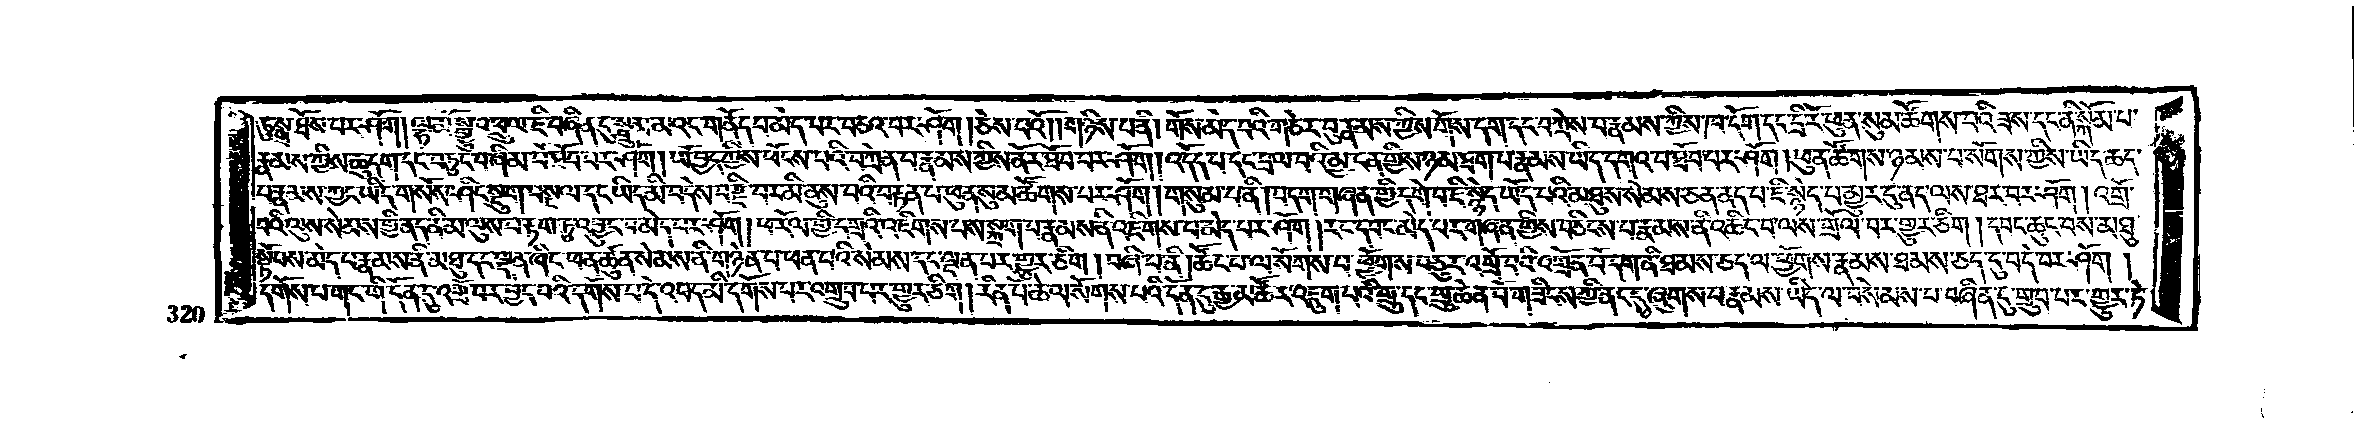ཏུ་སྒྲ་ཐོས་པར་ཤོག །ལྷ་མོ་སྒྱུ་འཕྲུལ་ཇི་བཞིན་དུ་སྦྲུམ?་མའང་གནོད་པ་མེད་པར་བཅའ་བར་ཤོག །ཅེས་པའོ། །གཉིས་པ་ནི། གོས་མེད་པའི་གཅེར་བུ་རྣམས་ཀྱིས་གོས་དག་དང་བཀྲེས་པ་རྣམས་ཀྱིས་ཁ་དོག་དང་དྲི་རོ་ཕུན་སུམ་ཚོགས་པའི་ཟས་དང་ནི་སྐོམ་པ་
རྣམས་ཀྱིས་ཆུ་དག་དང་བཏུང་བ་ཞིམ་པོ་ཐོབ་པར་ཤོག །ཡོ་བྱད་ཀྱིས་ཕོངས་པའི་བཀྲེན་པ་རྣམས་ཀྱིས་ནོར་ཐོབ་པར་ཤོག །འདོད་པ་དང་བྲལ་བའི་མྱ་ངན་གྱིས་ཉམ་ཐག་པ་རྣམས་ཡིད་དགའ་བ་ཐོབ་པར་ཤོག །ཕུན་ཚོགས་ཉམས་པ་སོགས་ཀྱིས་ཡིད་ཆད་
པ་རྣམས་ཀྱང་ཡིད་གསོས་ཤིང་སྡུག་བསྔལ་དང་ཡིད་མི་བདེས་བརྫི་བར་མི་ནུས་པའི་བརྟན་པ་ཕུན་སུམ་ཚོགས་པར་ཤོག །གསུམ་པ་ནི། བདག་གཞན་གྱི་དགེ་བ་ཇི་སྙེད་ཡོད་པའི་མཐུས་སེམས་ཅན་ནད་པ་ཇི་སྙེད་པ་མྱུར་དུ་ནད་ལས་ཐར་པར་ཤོག །འགྲོ་
བའི་ལུས་སེམས་གྱི་ནད་ནི་མ་ལུས་པ་རྟག་ཏུ་འབྱུང་བ་མེད་པར་ཤོག །ཕ་རོལ་གྱི་དགྲའི་འཇིགས་པས་སྐྲག་པ་རྣམས་ནི་འཇིགས་པ་མེད་པར་ཤོག །རང་དབང་མེད་པར་གཞན་གྱིས་བཅིངས་པ་རྣམས་ནི་འཆིང་བ་ལས་གྲོལ་བར་གྱུར་ཅིག །དབང་ཆུང་བས་མཐུ་
སྟོབས་མེད་པ་རྣམས་ནི་མཐུ་དང་ལྡན་ཞིང་ཕན་ཚུན་སེམས་ནི་གཉེན་པ་ཕན་པའི་སེམས་དང་ལྡན་པར་གྱུར་ཅིག །བཞི་པ་ནི། ཚོང་བ་ལ་སོགས་པ་ཕྱོགས་བཅུར་འགྲོ་བའི་འགྲོན་པོ་དག་ནི་ཐམས་ཅད་ལ་ཕྱོགས་རྣམས་ཐམས་ཅད་དུ་བདེ་བར་ཤོག །
དགོས་པ་གང་གི་དོན་དུ་འགྲོ་བར་བྱེད་པའི་དགོས་པ་དེ་འབད་མི་དགོས་པར་འགྲུབ་པར་གྱུར་ཅིག །རིན་པོ་ཆེ་ལ་སོགས་པའི་དོན་དུ་རྒྱ་མཚོར་འཇུག་པའི་གྲུབ་དང་གྲུ་ཆེན་པོ་གཟིངས་ཀྱི་ནང་དུ་ཞུགས་པ་རྣམས་ཡིད་ལ་བསེམས་པ་བཞིན་དུ་གྲུབ་པར་གྱུར་ཏེ་